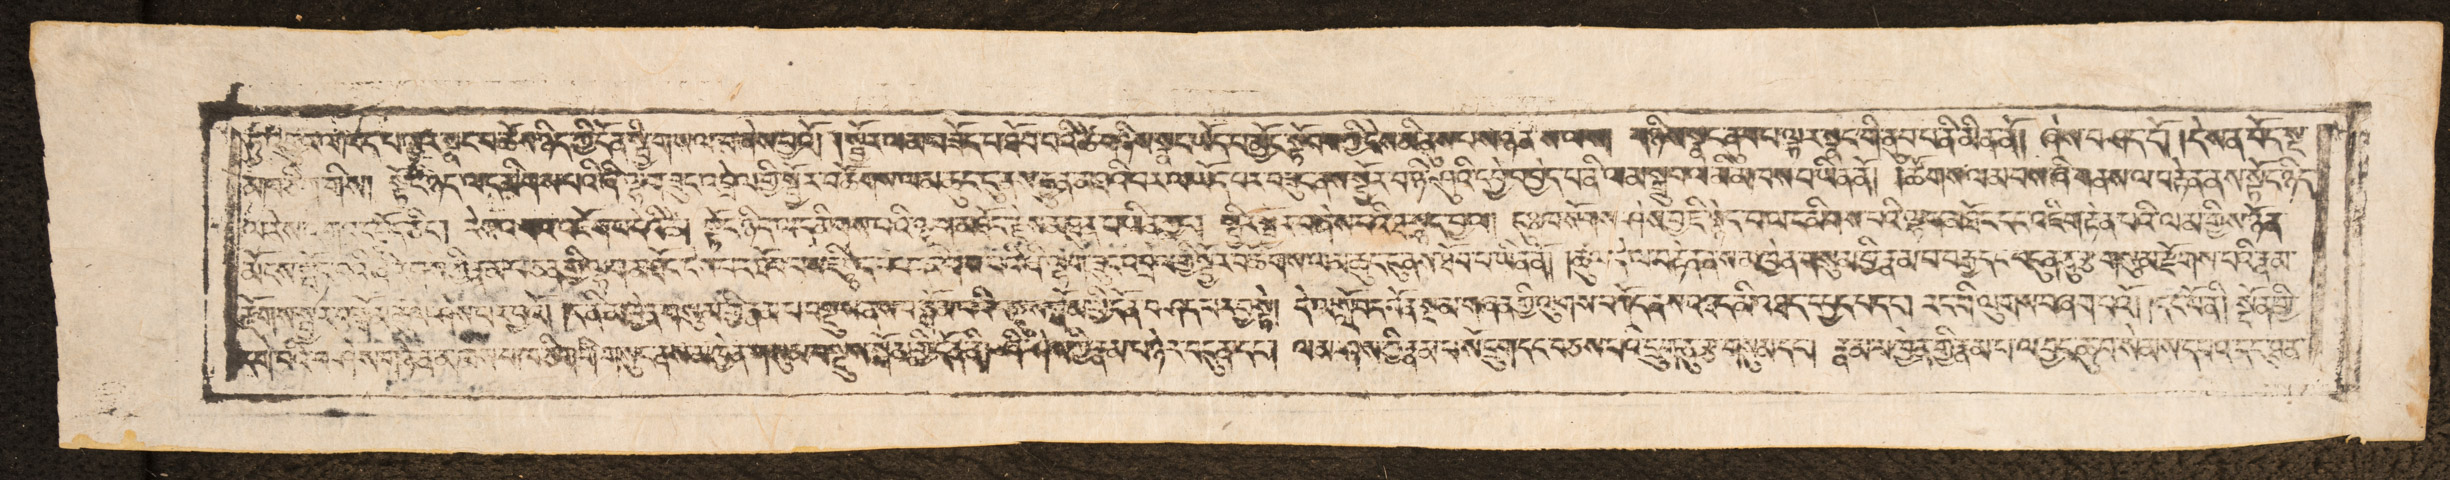ཏུ་འགྱུར་ལ་ཁད་པ་ལྟར་སྣང་བ་ཆོས་ཉིད་ཀྱི་དོན་སྤྱི་གསལ་བ་ཞེས་བྱའོ། །སྦྱོར་ལམ་བཟོད་པ་ཐོབ་པའི་ཚེ་གཉིས་སྣང་ཡོད་པ་མྱོང་སྟོབས་ཀྱི་ངེས་མི་ནུས་པས་ཉན་ས་ལས། གཉིས་སྣང་ནུབ་པ་ལྟར་སྣང་གི་ནུབ་པ་ནི་མིན་ནོ། ཞེས་བཤད་དོ། །དེས་ན་བོད་སྔ་
མ་ཁ་ཅིག་གིས། སྟོང་ཉིད་ལ་དམིགས་པའི་ཞི་ལྷག་ཟུང་འབྲེལ་གྱི་སྦྱོར་བ་ཚོགས་ལམ་ཆུང་ངུ་ནས་རྒྱུན་མཐའི་བར་ལ་ཡོད་པར་བཟུང་ནས་སྦྱོར་བ་ཉི་ཤུའི་དབྱེ་བ་བྱེད་པ་ནི་ལམ་སྒྲུབ་ལ་མི་མཁས་པ་ཡིན་ནོ། །ཚོགས་ལམ་པས་ཞི་གནས་ལ་བརྟེན་ནས་སྟོང་ཉིད་
ལ་རེས་འགའ་དཔྱོད་ཅིང་། རེས་འགའ་འཇོག་པ་དེའི་ཚེ། སྟོང་ཉིད་ལ་དམིགས་པའི་ལྷག་མཐོང་རྗེས་མཐུན་པ་ཡིན་ཀྱང་། སྤྱིར་སྦྱོར་བ་ཞེས་པའི་ཐ་སྙད་བྱ་ལ། དུཿ ཁ་སོགས་ཤེས་བྱ་ཇི་སྙེད་པ་ལ་དམིགས་པའི་ལྷག་མཐོང་དང་འཇིག་རྟེན་པའི་ལམ་གྱིས་ཉོན་
མོངས་སྤོང་བའི་ཞི་རགས་ཀྱི་རྣམ་པ་ཅན་གྱི་ལྷག་མཐོང་ངེས་པར་ཐོབ་པས་ཇི་སྙེད་པ་ལ་དམིགས་པའི་ཞི་ལྷག་ཟུང་འབྲེལ་གྱི་སྦྱོར་བ་ཚོགས་ལམ་ཆུང་ངུ་ནས་ཐོབ་པ་ཡིན་ནོ། །ཚུལ་དེ་ལ་བརྟེན་ནས་མཁྱེན་གསུམ་གྱི་རྣམ་པ་བརྒྱ་དང་བདུན་ཅུ་རྩ་གསུམ་རྫོགས་པའི་རྣམ་
རྫོགས་སྦྱར་བ་སྒོམ་ཚུལ་ཤེས་པར་བྱའོ། །ད་ནི་མཁྱེན་གསུམ་གྱི་རྣམ་པ་བསྡུས་ནས་བསྒོམ་པའི་བསྡུས་སྒོམ་གྱི་དོན་བཤད་པར་བྱ་སྟེ། དེ་ལ་སློབ་དཔོན་སྔ་མ་གཞན་གྱི་ལུགས་བཀོད་ནས་འཐད་མི་འཐད་དཔྱད་པ་དང་། རང་གི་ལུགས་བཞག་པའོ། །དང་པོ་ནི། སྔོན་གྱི་
དགེ་བའི་བཤེས་གཉེན་མཁས་པ་ཁ་ཅིག་གི་གསུང་ནས་མཁྱེན་གསུམ་བསྡུས་སྒོམ་གྱི་དོན་ནི། ཞི་ཤེས་ཀྱི་རྣམ་པ་ཉེར་བདུན་དང་། ལམ་ཤེས་ཀྱི་རྣམ་པ་སོ་དྲུག་དང་བཅས་པའི་དྲུག་ཅུ་རྩ་གསུམ་དང་། རྣམ་མཁྱེན་གྱི་རྣམ་པ་ལ་བྱང་ཆུབ་སེམས་དཔའ་དང་ཐུན་